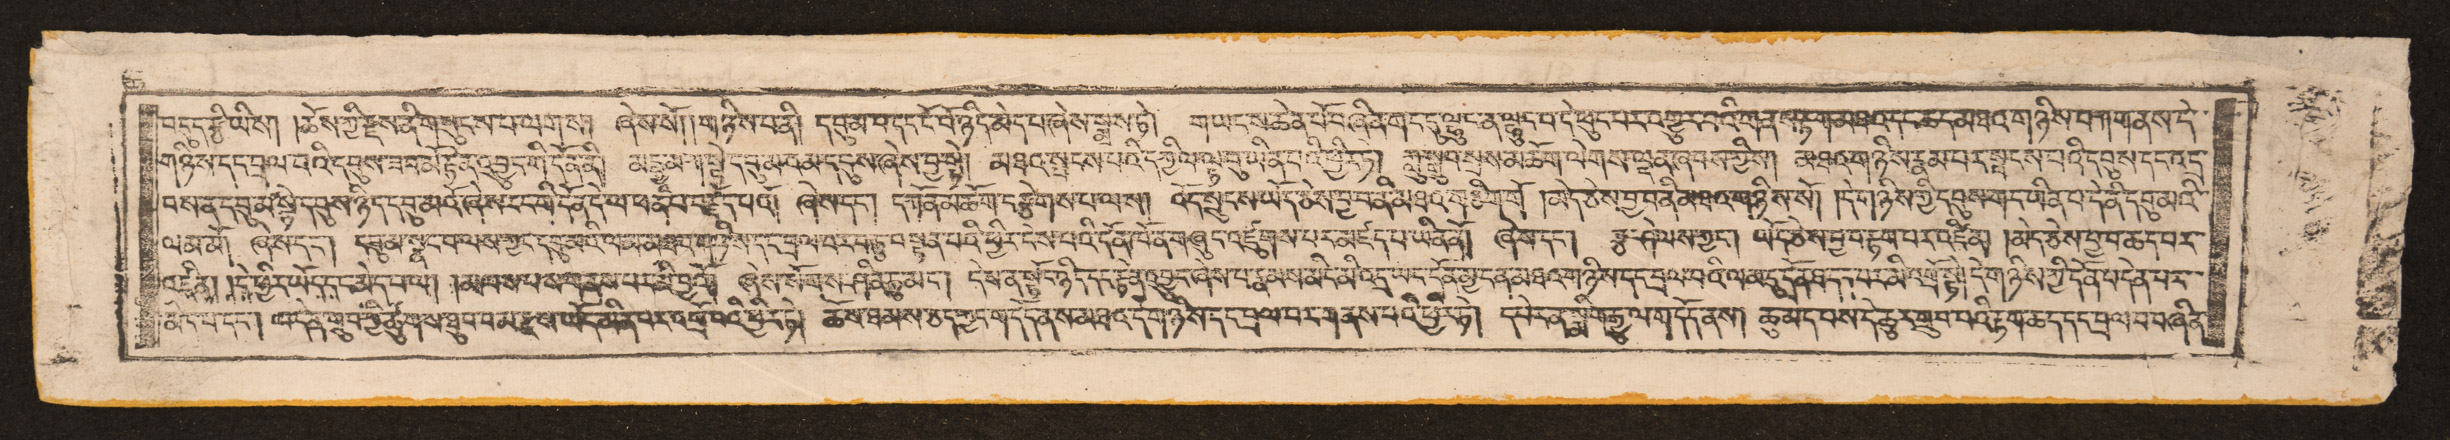འདུད་རྩི་ཡིས། །ཆོས་ཀྱི་རྫས་ནི་གསུངས་པ་ལགས། ཞེས་སོ།། གཉིས་པ་ནི། དབུ་མ་པ་དང་ངོ་བོ་ཉིད་མེད་པ་ཞེས་སྨྲས་ཏེ། གཡང་ས་ཆེན་པོ་བཞིན་གང་དུ་ལྷུང་ན་ལྷུང་བ་དེ་ཕུང་པར་འགྱུར་བའི་གནས་རྟག་མཐའ་དང་ཆད་མཐའ་གཉིས་བཀག་ནས་དེ་
གཉིས་དང་བྲལ་པའི་དབུས་ཟབ་མོ་རྟེན་འབྱུང་གི་དོན་ནི། མདྷྱ་མ་ཀ་སྟེ་དབུ་མའམ་དབུས་ཞེས་བྱ་སྟེ། མཐའ་སྤངས་པའི་དཀྱིལ་ལྟ་བུ་ཡིན་པའི་ཕྱིར་ཏེ། ཀླུ་སྒྲུབ་སྲས་མཆོག་ལེགས་ལྡན་ཞབས་ཀྱིས། མཐའ་གཉིས་རྣམ་པར་སྤངས་པའི་དབུས་དང་འདྲ་
བས་ན་དབུ་མ་སྟེ་དབུས་ཉིད་དབུ་མའོ་ཞེས་རང་གི་དོན་དེ་ལ་ཕན་པ་ནི་?་བརྗོད་པའོ། ཞེས་དང་། དཀོན་མཆོག་བརྩེགས་པ་ལས། འོད་སྲུངས་ཡོད་ཅེས་བྱ་བ་ནི་མཐའ་གཅིག་གོ །མེད་ཅེས་བྱ་བ་ནི་མཐའ་གཉིས་སོ། །དེ་གཉིས་ཀྱི་དབུས་གང་ཡིན་པ་དེ་ནི་དབུ་མའི་
ལམ་མོ། ཞེས་དང་། དབུ་མ་སྣང་བ་ལས་ཀྱང་དབུ་མའི་ལམ་མཐའ་གཉིས་དང་བྲལ་བ་རབ་ཏུ་བསྟན་པའི་ཕྱིར་དེས་པའི་དོན་ཁོ་ན་གཞུང་འཛུགས་པར་མཛད་པ་ཡིན་ནོ། ཞེས་དང་། རྩ་ཤེ་ལས་ཀྱང་། ཡོད་ཅེས་བྱ་བ་རྟག་པར་འཛིན། །མེད་ཅེས་བྱ་བ་ཆད་པར་
འཛིན། །དེ་ཕྱིར་ཡོད་དང་མེད་པ་ལ། །མཁས་པས་གནས་པར་མི་བྱའོ། ཞེས་སོགས་ཤིན་ཏུ་མང་། དེས་ན་སྟོང་ཉིད་དང་རྟེན་འབྱུང་ཞེས་པ་རྣམས་མིང་མི་འདྲ་ཡང་དོན་མྱ་ངན་མཐའ་གཉིས་དང་བྲལ་བའི་ལམ་དུ་དོན་ཐ་དད་པར་མི་འགྲོ་སྟེ། དེ་གཉིས་ཀྱི་དོན་བདེན་པར་
མེད་པ་དང་། བདེན་གྲུབ་ཀྱི་ཚུགས་ཐུབ་བམ་རྫས་ཡོད་མིན་པར་འགྲོ་བའི་ཕྱིར་ཏེ། ཆོས་ཐམས་ཅད་ཀྱང་གདོད་ནས་མཐའ་དེ་གཉིས་དང་བྲལ་བར་གནས་པའི་ཕྱིར་ཏེ། དཔེར་ན་སྨིག་རྒྱུ་ལ་གདོད་ནས། ཆུ་མེད་པས་དེ་ཆུར་གྲུབ་བའི་རྟག་ཆད་དང་བྲལ་བ་བཞིན་